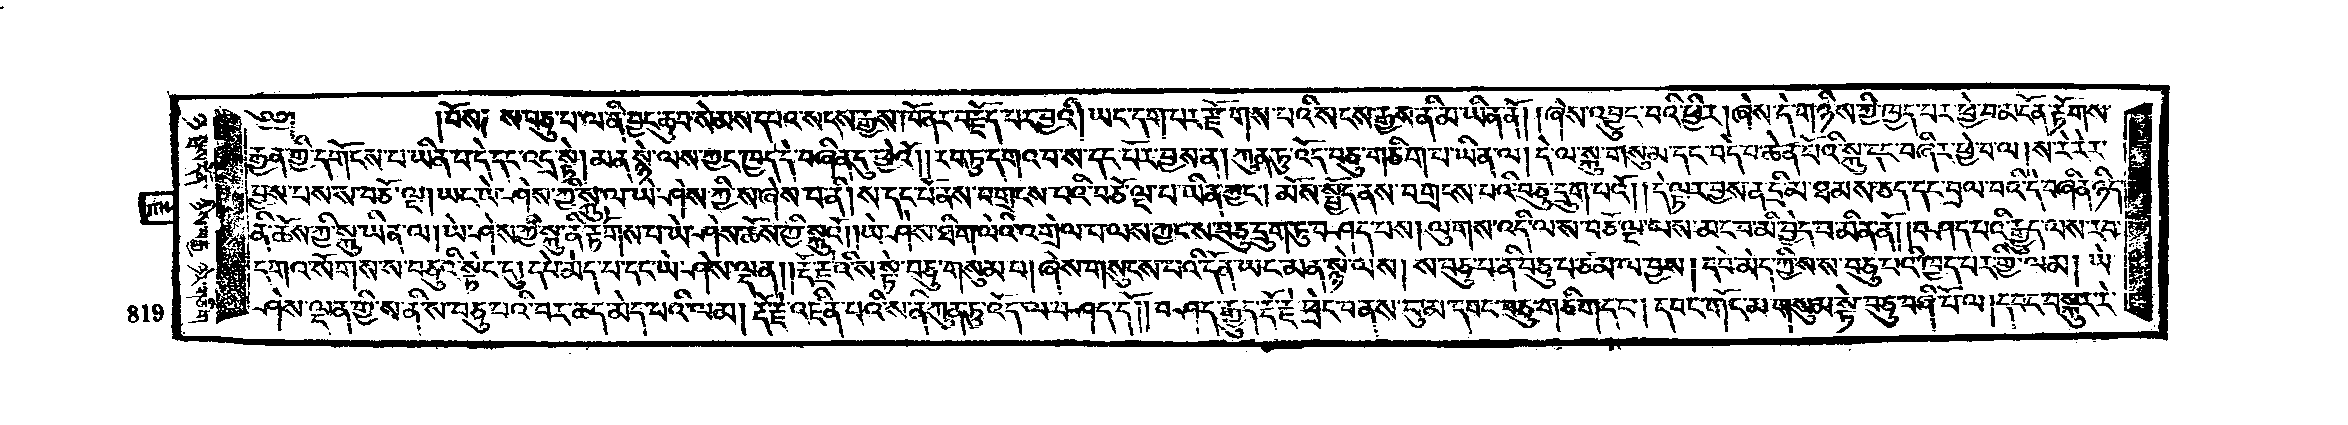༄༅། །པོས། ས་བཅུ་པ་ལ་ནི་བྱང་ཆུབ་སེམས་དཔའ་སངས་རྒྱས་ཁོ་ནར་བརྗོད་པར་བྱའི། ཡང་དག་པར་རྫོགས་པའི་སངས་རྒྱས་ནི་མ་ཡིན་ནོ། །ཞེས་འབྱུང་བའི་ཕྱིར། ཞེས་དེ་གཉིས་ཀྱི་ཁྱད་པར་ཕྱེ་བ་མངོན་རྟོགས་
རྒྱན་གྱི་དགོངས་པ་ཡིན་པ་དེ་དང་འདྲ་སྟེ། མན་སྙེ་ལས་ཀྱང་ཁྱད་དེ་བཞིན་དུ་ཕྱེའོ། །རབ་ཏུ་དགའ་བ་ས་དང་པོར་བྱས་ན། ཀུན་ཏུ་འོད་བཅུ་གཅིག་པ་ཡིན་ལ། དེ་ལ་སྐུ་གསུམ་དང་བདེ་བ་ཆེན་པོའི་སྐུ་དང་བཞིར་ཕྱེ་བ་ལ། ས་རེ་རེར་
བྱས་པས་ས་བཅོ་ལྔ། ཡང་ཡེ་ཤེས་ཀྱི་སྐུ་ལ་ཡེ་ཤེས་ཀྱི་ས་ཞེས་པ་ནི། ས་དང་པོ་ནས་བགྲངས་པའི་བཅོ་ལྔ་པ་ཡིན་ཀྱང་། མོས་སྤྱོད་ནས་བགྲངས་པའི་བཅུ་དྲུག་པའོ། །དེ་ལྟར་བྱས་ན་དྲི་མ་ཐམས་ཅད་དང་བྲལ་བའི་དེ་བཞིན་ཉིད་
ནི་ཆོས་ཀྱི་སྐུ་ཡིན་ལ། ཡེ་ཤེས་ཀྱི་སྐུ་ནི་རྟོགས་པ་ཡེ་ཤེས་ཆོས་ཀྱི་སྐུའོ། །ཡེ་ཤེས་ཐིག་ལེའི་འགྲེལ་པ་ལས་ཀྱང་ས་བཅུ་དྲུག་ཏུ་བཤད་པས། ལུགས་འདི་ལས་བཅོ་ལྔ་ལས་མང་བ་མི་བྱེད་པ་མིན་ནོ། །བཤད་པའི་རྒྱུད་ལས་རབ་
དགའ་སོགས་ས་བཅུའི་སྟེང་དུ། དཔེ་མེད་པ་དང་ཡེ་ཤེས་ལྡན། །རྡོ་རྗེའི་ས་སྟེ་བཅུ་གསུམ་པ། ཞེས་གསུངས་པའི་དོན་ཡང་མན་སྙེ་ལས། ས་བཅུ་པ་ནི་བཅུ་པ་ཙམ་ལ་བྱས། དཔེ་མེད་ཀྱི་ས་ས་བཅུ་པའི་ཁྱད་པར་གྱི་ལམ། ཡེ་
ཤེས་ལྡན་གྱི་ས་ནི་ས་བཅུ་པའི་བར་ཆད་མེད་པའི་ལམ། རྡོ་རྗེ་འཛིན་པའི་ས་ནི་ཀུན་ཏུ་འོད་ལ་བཤད་དོ། །བཤད་རྒྱུད་རྡོ་རྗེ་ཕྲེང་བ་ནས་བུམ་དབང་བཅུ་གཅིག་དང་། དབང་གོང་མ་གསུམ་སྟེ་བཅུ་བཞི་པོ་ལ། དབང་བསྐུར་རེ་